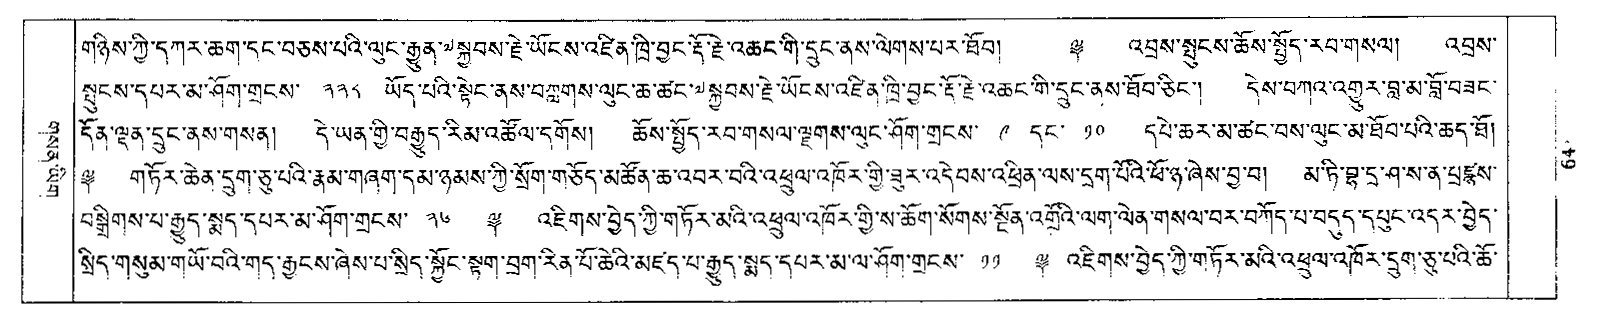གཉིས་ཀྱི་དཀར་ཆག་དང་བཅས་པའི་ལུང་རྒྱུན་༧སྐྱབས་རྗེ་ཡོངས་འཛིན་ཁྲི་བྱང་རྡོ་རྗེ་འཆང་གི་དྲུང་ནས་ལེགས་པར་ཐོབ། ༈ འབྲས་སྤུངས་ཆོས་སྤྱོད་རབ་གསལ། འབྲས་
སྤུངས་དཔར་མ་ཤོག་གྲངས ༢༢༨་ཡོད་པའི་སྟེང་ནས་བཀླགས་ལུང་ཆ་ཚང་༧སྐྱབས་རྗེ་ཡོངས་འཛིན་ཁྲི་བྱང་རྡོ་རྗེ་འཆང་གི་དྲུང་ནས་ཐོབ་ཅིང་། དེས་བཀའ་འགྱུར་བླ་མ་བློ་བཟང་
དོན་ལྡན་དྲུང་ནས་གསན། དེ་ཡན་གྱི་བརྒྱུད་རིམ་འཚོལ་དགོས། ཆོས་སྤྱོད་རབ་གསལ་ལྗགས་ལུང་ཤོག་གྲངས ༩་དང ༡༠་དཔེ་ཆར་མ་ཚང་བས་ལུང་མ་ཐོབ་པའི་ཆད་ཐོ།
༈ གཏོར་ཆེན་དྲུག་ཅུ་པའི་རྣམ་གཞག་དམ་ཉམས་ཀྱི་སྲོག་གཅོད་མཚོན་ཆ་འབར་བའི་འཕྲུལ་འཁོར་གྱི་ཟུར་འདེབས་འཕྲིན་ལས་དྲག་པོའི་ཕོ་ཉ་ཞེས་བྱ་བ། མ་ཏི་བྷ་དྲ་ཤ་ས་ན་པྲཛྙས་
བསྒྲིགས་པ་རྒྱུད་སྨད་དཔར་མ་ཤོག་གྲངས ༢༦་༈ འཇིགས་བྱེད་ཀྱི་གཏོར་མའི་འཕྲུལ་འཁོར་གྱི་ས་ཆོག་སོགས་སྔོན་འགྲོའི་ལག་ལེན་གསལ་བར་བཀོད་པ་བདུད་དཔུང་འདར་བྱེད་
སྲིད་གསུམ་གཡོ་བའི་གད་རྒྱངས་ཞེས་པ་སྲིད་སྐྱོང་སྟག་བྲག་རིན་པོ་ཆེའི་མཛད་པ་རྒྱུད་སྨད་དཔར་མ་ལ་ཤོག་གྲངས ༡༡་༈ འཇིགས་བྱེད་ཀྱི་གཏོར་མའི་འཕྲུལ་འཁོར་དྲུག་ཅུ་པའི་ཆོ་